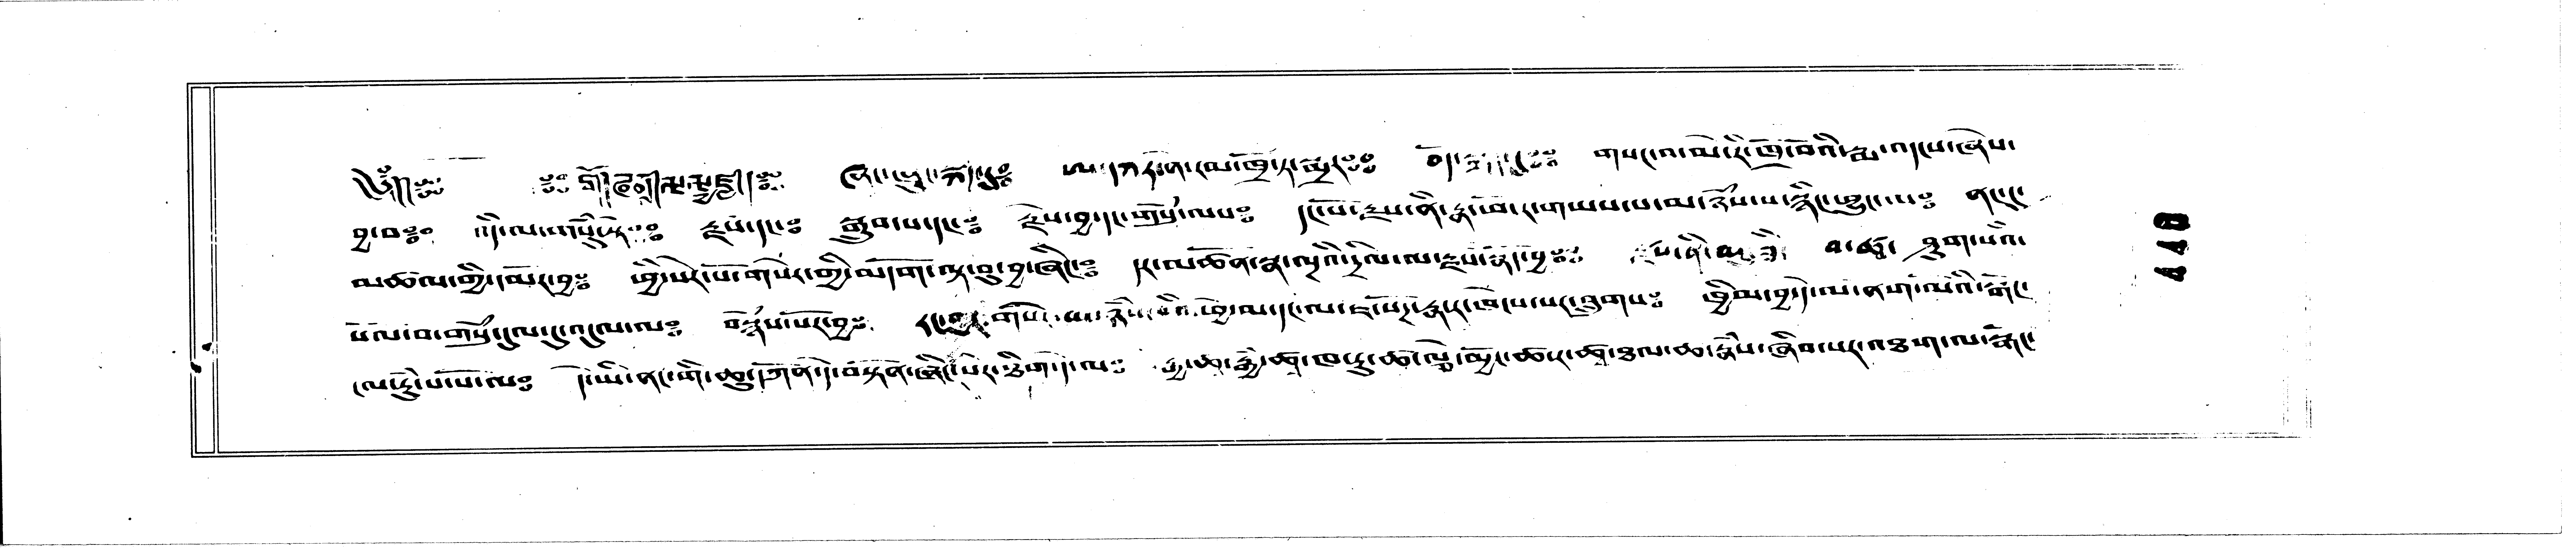།༔༔༔༔༼གཏེར་ཡིག་ཡོད༽༔༔ཞང་ཞུང་སྐད་དུ༔ཨ་དཀར་ནེ་རམ་ཁྲོ་ཏ་སྨྲར༔༔བོད་སྐད་དུ༔༔གསང་བ་མེ་རི་ཁྲོ་བའི་རྨ་འདངས་ཞེས་
བྱ་བ༔འདི་ལ་གསུམ་སྟེ༔༔རྗས་དང་༔སྒྲུབ་པ་དང༔རྗེས་བྱ་དང་གསུམ་ལས༔དང་པོ་རྫས་ནི་རྣ་ཕོ་རྭ་གཡས་པ་མ་ཉམས་པ་སྙིང་ཕྱུང་ལ༔ནང་དུ་
མཚལ་གྱིས་དམར་པོ་བྱ༔ཕྱི་སེར་པོ་གསེར་གྱི་མདོག་ལྟ་བུ་བྱ་ཞིང་༔ དར་མཚོན་སྣ་ལྔའི་དྲིལ་ལ་རྫས་སྣོད་བྱ༔༔རྫས་ནི་མུ་ཟི༔བ་ཚྭ་ཤུག་པའི་
སོལ་བ་གསུམ་དུལ་དུ་འདུལ་ལ༔ སྙོམས་པོར་བྱ༔ རང་བྱུང་གསེར་མ་ཉམས་པའི་ཕྱེ་མ་དང་ལ་ཇ་སོགས་རྣ་ར་ཁེངས་པར་བླུགས༔ཁྱིམ་བྱ་དེ་ལ་ནག་མོའི་སྒོང་
ང་རུམ་པ་པོ་ལ༔དེ་ཡི་ནང་གི་ཆུ་དཀོན་དེ་བསྟོན་ཞིང་སེར་ཐིག་དེ་ལ༔རྒྱ་ཚྭ་རྒྱཾ་ཚྭ་ཁ་རུ་ཚ་ལྕེ་མྱོང་ཚོར་ཚྭ་ཐལ་ཆ་རྣམས་ཞིབ་པར་འཐག་ལ་སྒོང་